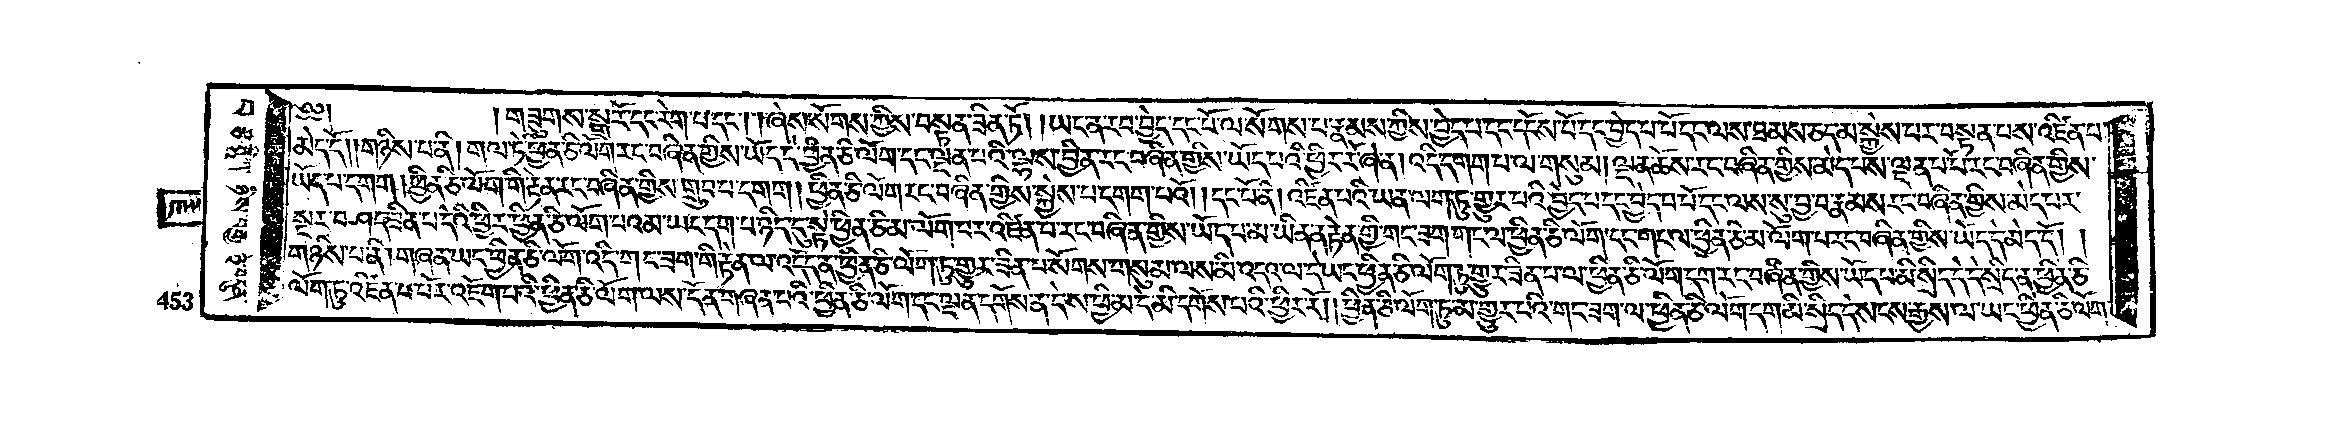༄༅། །གཟུགས་སྒྲ་རོ་དང་རེག་པ་དང་། །ཞེས་སོགས་ཀྱིས་བསྟན་ཟིན་ཏོ། །ཡང་ན་རབ་བྱེད་དང་པོ་ལ་སོགས་པ་རྣམས་ཀྱིས་བྱེད་པ་དང་དངོས་པོ་དང་བྱེད་པ་པོ་དང་ལས་ཐམས་ཅད་མ་སྐྱེས་པར་བསྟན་པས་འཛིན་པ་
མེད་དོ། །གཉིས་པ་ནི། གལ་ཏེ་ཕྱིན་ཅི་ལོག་རང་བཞིན་གྱིས་ཡོད་དེ་ཕྱིན་ཅི་ལོག་དང་ལྡན་པའི་ལྷས་བྱིན་རང་བཞིན་གྱིས་ཡོད་པའི་ཕྱིར་རོ་ཞེ་ན། འདི་དགག་པ་ལ་གསུམ། ལྡན་ཆོས་རང་བཞིན་གྱིས་མེད་པས་ལྡན་པ་པོ་རང་བཞིན་གྱིས་
ཡོད་པ་དགག །ཕྱིན་ཅི་ལོག་གི་རྟེན་རང་བཞིན་གྱིས་གྲུབ་པ་དགག། ཕྱིན་ཅི་ལོག་རང་བཞིན་གྱིས་སྐྱེས་པ་དགག་པའོ། །དང་པོ་ནི། འཛིན་པའི་ཡན་ལག་ཏུ་གྱུར་པའི་བྱེད་པ་དང་བྱེད་པ་པོ་དང་ལས་སུ་བྱ་བ་རྣམས་རང་བཞིན་གྱིས་མེད་པར་
སྔར་བཤད་ཟིན་པ་དེའི་ཕྱིར་ཕྱིན་ཅི་ལོག་པའམ་ཡང་དག་པ་ཉིད་དུ་སྟེ་ཕྱིན་ཅི་མ་ལོག་པར་འཛིན་པ་རང་བཞིན་གྱིས་ཡོད་པ་མ་ཡིན་ན་རྟེན་གྱི་གང་ཟག་གང་ལ་ཕྱིན་ཅི་ལོག་དང་གང་ལ་ཕྱིན་ཅི་མ་ལོག་པ་རང་བཞིན་གྱིས་ཡོད་དེ་མེད་དོ། །
གཉིས་པ་ནི། གཞན་ཡང་ཕྱིན་ཅི་ལོག་འདི་གང་ཟག་གི་རྟེན་ལ་འདོད་ན་ཕྱིན་ཅི་ལོག་ཏུ་གྱུར་ཟིན་པ་སོགས་གསུམ་ལས་མི་འདའ་ལ་དེ་ཡང་ཕྱིན་ཅི་ལོག་ཏུ་གྱུར་ཟིན་པ་ལ་ཕྱིན་ཅི་ལོག་དག་རང་བཞིན་གྱིས་ཡོད་པ་མི་སྲིད་དེ་དེ་སྲིད་ན་ཕྱིན་ཅི་
ལོག་ཏུ་འཛིན་པ་པོར་འཇོག་པའི་ཕྱིན་ཅི་ལོག་ལས་དོན་གཞན་པའི་ཕྱིན་ཅི་ལོག་དང་ལྡན་དགོས་ན་དེས་ཕྱི་མ་དེ་མི་དགོས་པའི་ཕྱིར་རོ། །ཕྱིན་ཅི་ལོག་ཏུ་མ་གྱུར་པའི་གང་ཟག་ལ་ཕྱིན་ཅི་ལོག་དག་མི་སྲིད་དེ་སངས་རྒྱས་ལ་ཡང་ཕྱིན་ཅི་ལོག་